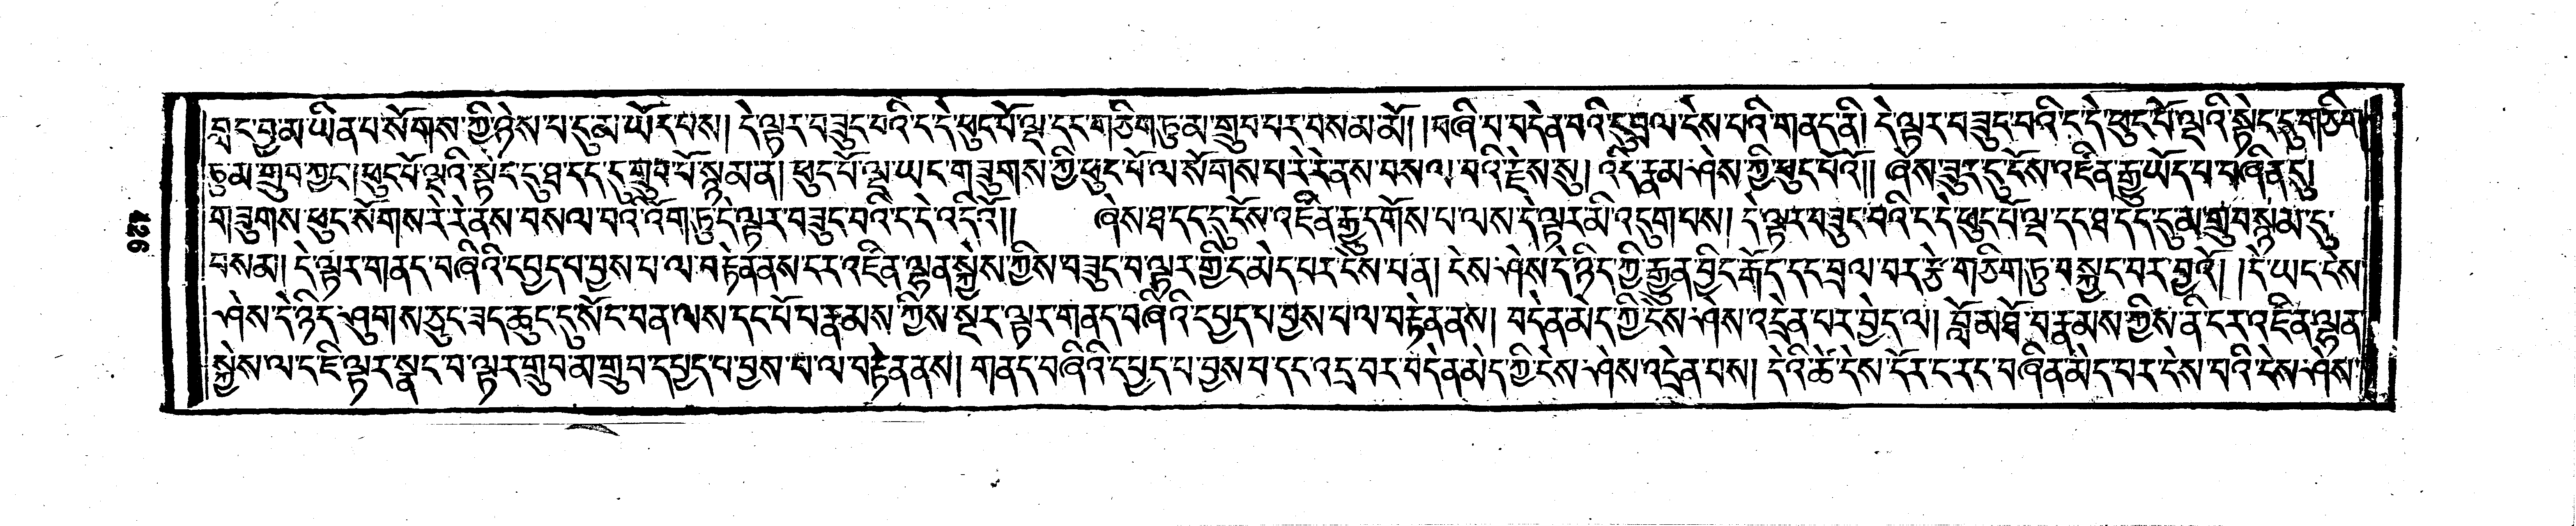བླང་བྱ་མ་ཡིན་པ་སོགས་ཀྱི་ཉེས་པ་དུ་མ་ཡོད་པས། དེ་ལྟར་བཟུང་བའི་ང་དེ་ཕུང་པོ་ལྔ་དང་གཅིག་ཏུ་མ་གྲུབ་པར་བསམ་མོ། །བཞི་པ་བདེན་པའི་དུ་བྲལ་ངེས་པའི་གནད་ནི། དེ་ལྟར་བཟུང་བའི་ང་དེ་ཕུང་པོ་ལྔའི་སྟེང་དུ་གཅིག་
ཏུ་མ་གྲུབ་ཀྱང་། ཕུང་པོ་ལྔའི་སྟེང་དུ་ཐ་དད་དུ་གྲུབ་བོ་སྙམ་ན། ཕུང་པོ་ལྔ་ཡང་གཟུགས་ཀྱི་ཕུང་པོ་ལ་སོགས་པ་རེ་རེ་ནས་བསལ་བའི་རྗེས་སུ། འདི་རྣམ་ཤེས་ཀྱི་ཕུང་པོའོ།། ཞེས་ཟུར་དུ་ངོས་འཛིན་རྒྱུ་ཡོད་པ་བཞིན་དུ།
གཟུགས་ཕུང་སོགས་རེ་རེ་ནས་བསལ་བའི་འོག་ཏུ་དེ་ལྟར་བཟུང་བའི་ང་དེ་འདིའོ།། ཞེས་ཐ་དད་དུ་ངོས་འཛིན་རྒྱུ་དགོས་པ་ལས་དེ་ལྟར་མི་འདུག་པས། དེ་ལྟར་བཟུང་བའི་ང་དེ་ཕུང་པོ་ལྔ་དང་ཐ་དད་དུ་མ་གྲུབ་སྙམ་དུ་
བསམ། དེ་ལྟར་གནད་བཞིའི་དཔྱད་པ་བྱས་པ་ལ་བརྟེན་ནས་ངར་འཛིན་ལྷན་སྐྱེས་ཀྱིས་བཟུང་བ་ལྟར་གྱི་ང་མེད་པར་ངེས་པ་ན། ངེས་ཤེས་དེ་ཉིད་ཀྱི་རྒྱུན་བྱིང་རྒོད་དང་བྲལ་བར་རྩེ་གཅིག་ཏུ་བསྐྱང་བར་བྱའོ། །དེ་ཡང་ངེས་
ཤེས་དེ་ཉིད་ཤུགས་ཅུང་ཟད་ཆུང་དུ་སོང་བ་ན་ལས་དང་པོ་པ་རྣམས་ཀྱིས་སྔར་ལྟར་གནད་བཞིའི་དཔྱད་པ་བྱས་པ་ལ་བརྟེན་ནས། བདེན་མེད་ཀྱི་ངེས་ཤེས་འདྲེན་པར་བྱེད་ལ། བློ་མཐོ་བ་རྣམས་ཀྱིས་ནི་ངར་འཛིན་ལྷན་
སྐྱེས་ལ་ང་ཇི་ལྟར་སྣང་བ་ལྟར་གྲུབ་མ་གྲུབ་དཔྱད་པ་བྱས་པ་ལ་བརྟེན་ནས། གནད་བཞིའི་དཔྱད་པ་བྱས་པ་དང་འདྲ་བར་བདེན་མེད་ཀྱི་ངེས་ཤེས་འདྲེན་པས། དེའི་ཚེ་དེས་དོར་ང་རང་བཞིན་མེད་པར་ངེས་པའི་ངེས་ཤེས་